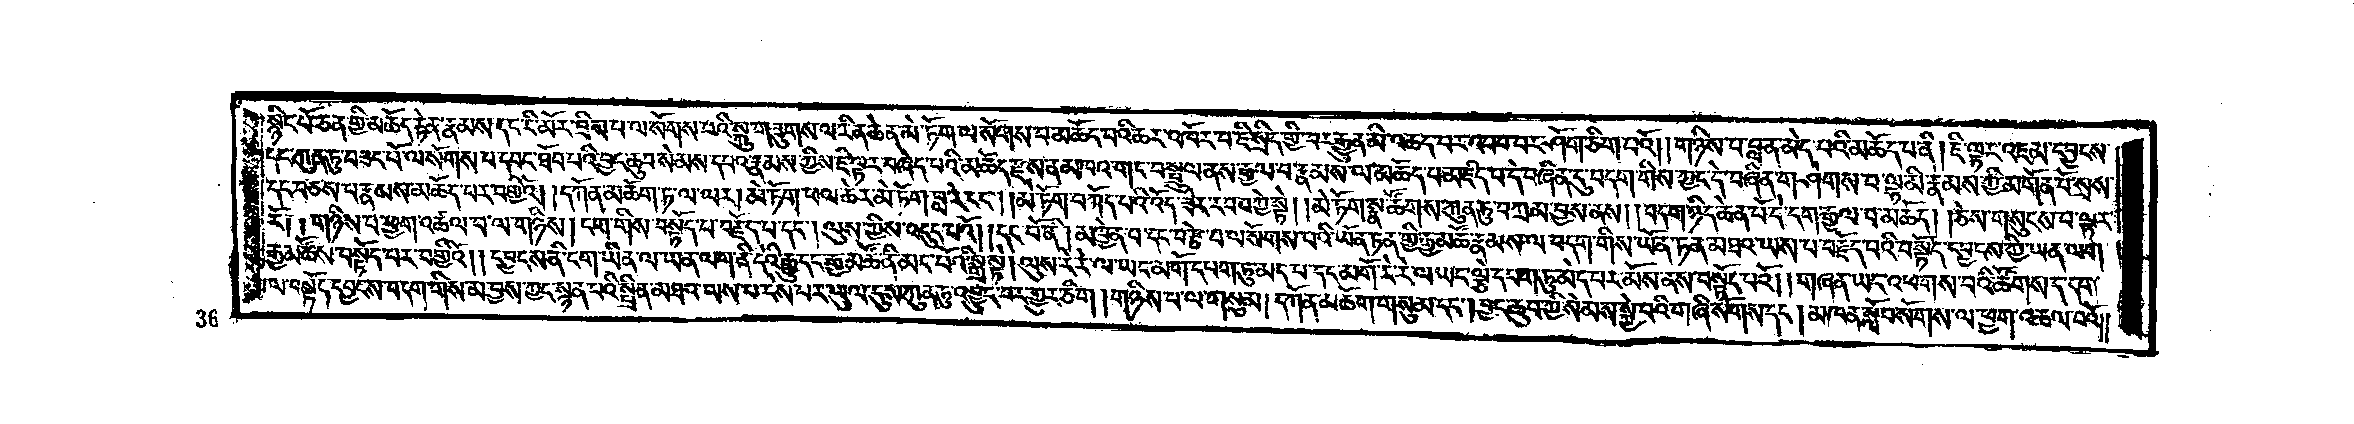སྙིང་པོ་ཅན་གྱི་མཆོད་རྟེན་རྣམས་དང་རི་མོར་བྲིས་པ་ལ་སོགས་པའི་སྐུ་གཟུགས་ལ་རིན་ཆེན་མེ་ཏོག་ལ་སོགས་པ་མཆོད་པའི་ཆར་འཁོར་བ་ཇི་སྲིད་གྱི་བར་རྒྱུན་མི་འཆད་པར་འབབ་བར་ཤོག་ཅིག་པའོ། །གཉིས་པ་བླ་ན་མེད་པའི་ཆོད་པ་ནི། ཇི་ལྟར་འཇམ་དབྱངས་
དང་ཀུན་ཏུ་བཟང་པོ་ལ་སོགས་པ་དབང་ཐོབ་པའི་བྱང་ཆུབ་སེམས་དཔའ་རྣམས་ཀྱིས་ཇི་ལྟར་བཞེད་པའི་མཆོད་རྫས་ནམ་མཁའ་གང་བ་སྤྲུལ་ནས་རྒྱལ་བ་རྣམས་ལ་མཆོད་པ་མཛད་པ་དེ་བཞིན་དུ་བདག་གིས་ཀྱང་དེ་བཞིན་གཤེགས་པ་ལྷ་མི་རྣམས་ཀྱི་མགོན་པོ་སྲས་
དང་བཅས་པ་རྣམས་མཆོད་པར་བགྱིའོ། །དཀོན་མཆོག་ཏ་ལ་ལར། མེ་ཏོག་ཕལ་ཆེར་ཏོག་བླ་རེ་དང་། །མེ་ཏོག་བཀོད་པའི་འོད་ཟེར་རབ་བགྱི་སྟེ། །མེ་ཏོག་སྣ་ཚོགས་ཀུན་ཏུ་བཀྲམ་བྱས་ནས། །བདག་ཉིད་ཆེན་པོ་དེ་དག་རྒྱལ་བ་མཆོད། །ཅེས་གསུངས་པ་ལྟར་
རོ༑ ༑གཉིས་པ་ཕྱག་འཚལ་བ་ལ་གཉིས། ངག་གིས་བསྟོད་པ་བརྗོད་པ་དང་། ལུས་ཀྱིས་འདུད་པའོ། །དང་པོ་ནི། མཁྱེན་པ་དང་བརྩེ་བ་ལ་སོགས་པའི་ཡོན་ཏན་གྱི་རྒྱ་མཚོ་རྣམས་ལ་བདག་གིས་ཡོན་ཏན་མཐའ་ཡས་པ་བརྗོད་པའི་བསྟོད་དབྱངས་ཀྱི་ཡན་ལག་
རྒྱ་མཚོས་བསྟོད་པར་བགྱིའོ། །དབྱངས་ནི་ངག་ཡིན་ལ་ཡན་ལག་ནི་དེའི་རྒྱུ་དང་རྒྱ་མཚོ་ནི་མང་པོའི་སྒྲ་སྟེ། ལུས་རེ་རེ་ལ་ཡང་མགོ་དཔག་ཏུ་མེད་པ་དང་མགོ་རེ་རེ་ལ་ཡང་ལྕེ་དཔག་ཏུ་མེད་པར་མོས་ནས་བསྟོད་པའོ། །གཞན་ཡང་འཕགས་པའི་ཚོགས་དེ་དག་
ལ་བསྟོད་དབྱངས་བདག་གིས་མ་བྱས་ཀྱང་སྙན་པའི་སྤྲིན་མཐའ་ཡས་པ་ངེས་པར་ཡུལ་དུས་ཀུན་ཏུ་འབྱུང་བར་གྱུར་ཅིག །གཉིས་པ་ལ་གསུམ། དཀོན་མཆོག་གསུམ་དང་། བྱང་ཆུབ་ཀྱི་སེམས་སྐྱེ་བའི་གཞི་སོགས་དང་། མཁན་སློབ་སོགས་ལ་ཕྱག་འཚལ་བའོ། །